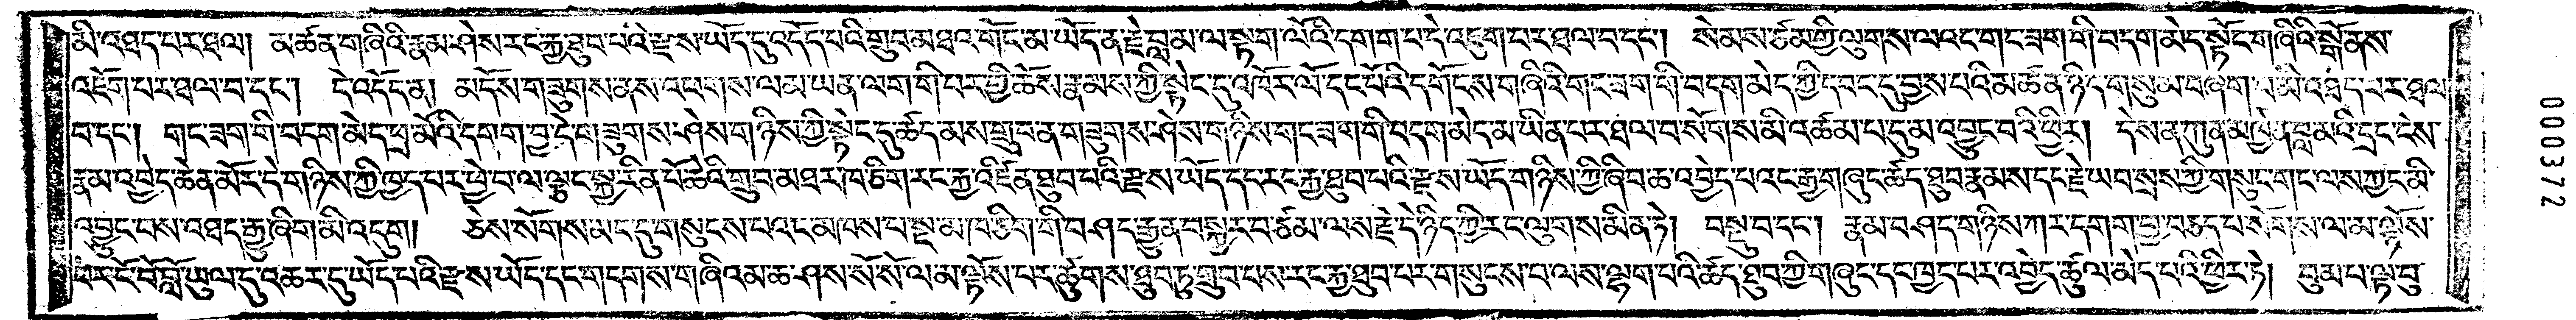མི་འཐད་པར་ཐལ། མཚན་གཞིའི་རྣམ་ཤེས་རང་རྐྱ་ཐུབ་པའི་རྫས་ཡོད་དུ་འདོད་པའི་གྲུབ་མཐའ་གོང་མ་ཡོད་ན་རྗེ་བླ་མ་ལ་སྟག་ལོའི་དགག་པ་དེ་འཇུག་པར་ཐལ་བ་དང་། སེམས་ཙམ་གྱི་ལུགས་ལའང་གང་ཟག་གི་བདག་མེད་སྟོང་གཞིའི་སྒོ་ནས་
འཇོག་པར་ཐལ་བ་དང་། དེ་འདོད་ན། མདོས་གཟུགས་ནས་འཕགས་ལམ་ཡན་ལག་གི་བར་གྱི་ཆོས་རྣམས་ཀྱི་སྟེང་དུ་འཁོར་ལོ་དང་པོའི་དགོངས་གཞིའི་གང་ཟག་གི་བདག་མེད་ཀྱི་དབང་དུ་བྱས་པའི་མཚན་ཉིད་གསུམ་བཞག་པ་མི་འཐད་བར་ཐལ་
བ་དང་། གང་ཟག་གི་བདག་མེད་ཕྲ་མོའི་དགག་བྱེ་དེ་གཟུགས་ཤེས་གཉིས་ཀྱི་སྟེང་དུ་ཚད་མས་གྲུབ་ན་གཟུགས་ཤེས་གཉིས་གང་ཟག་གི་བདག་མེད་མ་ཡིན་བར་ཐལ་བ་སོགས་མི་འཚམ་པ་དུ་མ་འབྱུང་བའི་ཕྱིར། དེས་ན་ཀུན་མཁྱེན་བླ་མའི་དྲང་ངེས་
རྣམ་འབྱེད་ཆེན་མོར་དེ་གཉིས་ཀྱི་ཁྱད་བར་ཕྱེ་བ་ལ་ལྕང་སྐྱ་རིན་པོ་ཆེའི་གྲུབ་མཐར་ཁ་ཅིག་རང་རྐྱ་འཛིན་ཐུབ་པའི་རྫས་ཡོད་དང་རང་རྐྱ་ཐུབ་པའི་རྫས་ཡོད་གཉིས་ཀྱི་ཞིབ་ཆ་འབྱེད་པའང་རྒྱ་གཞུང་ཚད་ཐུབ་རྣམས་དང་རྗེ་ཡབ་སྲས་ཀྱི་གསུང་གང་ལས་ཀྱང་མི་
འབྱུང་བས་འཐད་རྒྱུ་ཞིག་མི་འདུག། ཅེས་སོགས་མང་དུ་གསུངས་པའང་མཁས་པ་སྔ་མ་ཁ་ཅིག་གི་བཤད་རྒྱུན་བསྐྱར་བ་ཙམ་ལས་རྗེ་དེ་ཉིད་ཀྱི་རང་ལུགས་མིན་ཏེ། བསྡུ་བ་དང་། རྣམ་བཤད་གཉིས་ཀར་དགག་བྱ་བཅད་པ་སོགས་ལ་མ་ལྟོས་
པར་ངོ་བོ་བློ་ཡུལ་དུ་འཆར་དུ་ཡོད་པའི་རྫས་ཡོད་དང་གདགས་གཞིའམ་ཆ་ཤས་སོ་སོ་ལ་མ་ལྟོས་པར་ཚུགས་ཐུབ་ཏུ་གྲུབ་པས་རང་རྐྱ་ཐུབ་པར་གསུངས་པ་ལས་ལྷག་པའི་ཚད་ཐུབ་ཀྱི་གཞུང་དང་ཁྱད་པར་འབྱེད་ཚུལ་མེད་པའི་ཕྱིར་ཏེ། བུམ་པ་ལྟ་བུ་